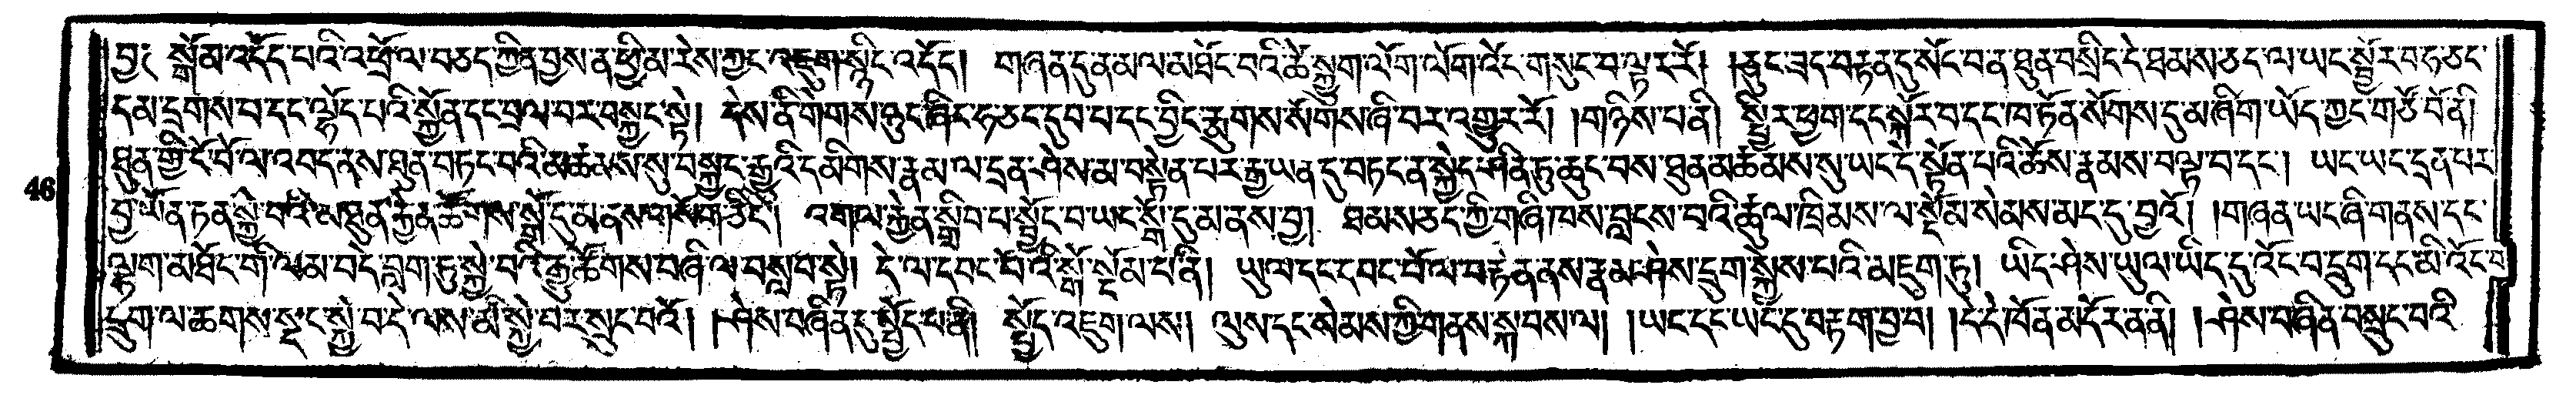བྱ༑ སྒོམ་འདོད་པའི་འཕྲོ་ལ་བཅད་ཀྱིན་བྱས་ན་ཕྱི་མ་རེས་ཀྱང་འཇུག་སྙིང་འདོད། གཞན་དུ་ན་མལ་མཐོང་བའི་ཚེ་སྐྱུག་ལོག་ལོག་འོང་གསུང་བ་ལྟར་རོ། ཆུང་ཟད་བརྟན་དུ་སོང་བ་ན་ཐུན་བསྲིད་དེ་ཐམས་ཅད་ལ་ཡང་སྦྱོར་བ་ཧ་ཅང་།
དམ་དྲགས་པ་དང་ལྷོད་པའི་སྐྱོན་དང་བྲལ་བར་བསྐྱང་སྟེ། དེས་ནི་གེགས་ཉུང་ཞིང་ཧ་ཅང་དུབ་པ་དང་བྱིང་རྨུགས་སོགས་ཞི་བར་འགྱུར་རོ། །གཉིས་པ་ནི། སྤྱིར་ཕྱག་དང་སྐོར་བ་དང་ཁ་ཏོན་སོགས་དུ་མ་ཞིག་ཡོད་ཀྱང་གཙོ་བོ་ནི།
ཐུན་གྱི་ངོ་བོ་ལ་འབད་ནས་ཐུན་བཏང་བའི་མཚམས་སུ་བསྐྱད་རྒྱུའི་དམིགས་རྣམ་ལ་དྲན་ཤེས་མ་བསྟེན་པར་རྒྱ་ཡན་དུ་བཏང་ན་སྐྱེད་ཤིན་ཏུ་ཆུང་བས་ཐུན་མཚམས་སུ་ཡང་དེ་སྟོན་པའི་ཆོས་རྣམས་བལྟ་བ་དང་། ཡང་ཡང་དྲན་པར་
བྱ་ཡོན་ཏན་སྐྱེ་བའི་མཐུན་རྐྱེན་ཚོགས་སྒོ་དུ་མ་ནས་གསོག་ཅིང་། འགལ་རྐྱེན་སྒྲིབ་པ་སྦྱོང་བ་ཡང་སྒོ་དུ་མ་ནས་བྱ། ཐམས་ཅད་ཀྱི་གཞི་ཁས་བླངས་པའི་ཚུལ་ཁྲིམས་ལ་སྡོམ་སེམས་མང་དུ་བྱའོ། །གཞན་ཡང་ཞི་གནས་དང་
ལྷག་མཐོང་གི་ལམ་བདེ་བླག་ཏུ་སྐྱེ་བའི་རྒྱུ་ཚོགས་བཞི་ལ་བསླབ་སྟེ། དེ་ལ་དབང་པོའི་སྒོ་སྔོམ་པ་ནི། ཡུལ་དང་དབང་བོ་ལ་བརྟེན་ནས་རྣམ་ཤེས་དྲུག་སྐྱེས་པའི་མཇུག་ཏུ། ཡིད་ཤེས་ཡུལ་ཡིད་དུ་འོང་བ་དྲུག་དང་མི་འོང་
དྲུག་ལ་ཆགས་སྡང་སྐྱེ་བ་དེ་ལས་མི་སྐྱེ་བར་སྲུང་བའོ། །ཤེས་བཞིན་དུ་སྤྱོད་པ་ནི་། སྤྱོད་འཇུག་ལས། ལུས་དང་སེམས་ཀྱི་གནས་སྐབས་ལ། །ཡང་དང་ཡང་དུ་བརྟག་བྱ་བ། །དེ་དེ་ཁོ་ན་མདོར་ན་ནི། །ཤེས་བཞིན་བསྲུང་བའི་